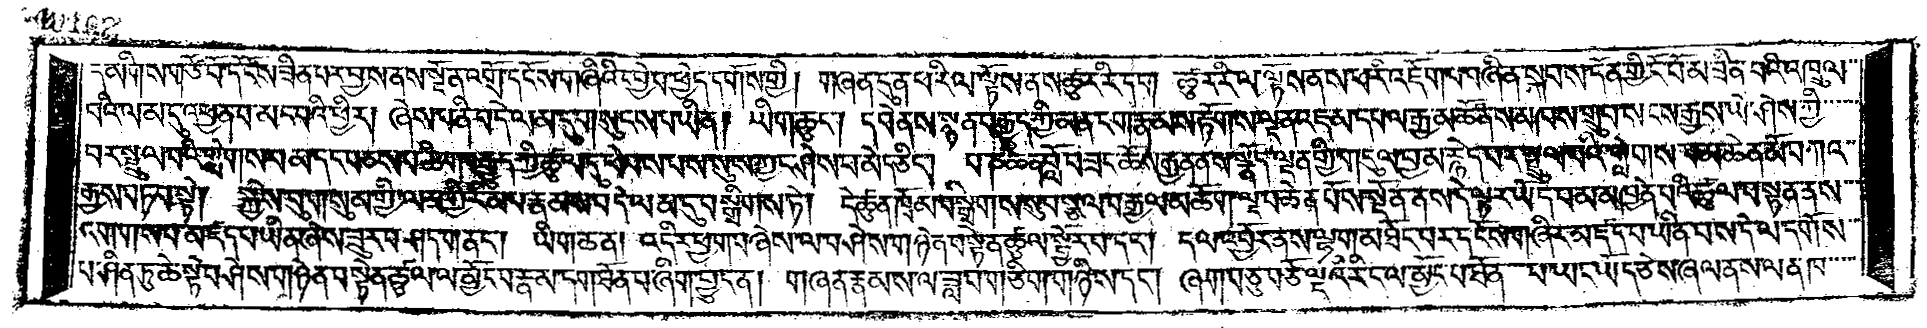དམིགས་གཙོ་བོ་དེ་ངོས་ཟིན་པར་བྱས་ནས་སྔོན་འགྲོ་དངོས་གཞིའི་དབྱེ་བ་ཕྱེད་དགོས་གྱི། གཞན་དུ་ན་ཕ་རིལ་ལྟོས་ནས་ཚུར་རི་དང་། ཚུར་རིལ་ལྟོས་ནས་ཕ་རི་འཇོག་པ་བཞིན་སྐབས་དོན་གྱི་ངོ་བོ་མ་ཟིན་པའི་འཁྲུལ་
བའི་ལམ་དུ་འཕྱན་པ་མང་བའི་ཕྱིར། ཞེས་པ་ནི་བདེ་ལམ་དུ་གསུངས་པ་ཡིན། ཡིག་ཆུང་། དབེན་ས་སྙན་བརྒྱུད་ཀྱི་མན་ངག་རྣམས་རྟོགས་ལྡན་འཇམ་དཔལ་རྒྱ་མཚོ་ནས་མཁས་གྲུབ་སངས་རྒྱས་ཡེ་ཤེས་ཀྱི་
བར་སྤྲུལ་པའི་གླེགས་བམ་དང་བཅས་པ་ཚིག་བརྒྱུད་ཀྱི་ཚུལ་དུ་ཕེབས་པས་སུས་ཀྱང་ཤེས་པ་མེད་ཅིང་། པཎ་ཆེན་བློ་བཟང་ཆོས་རྒྱན་ནས་སྣོད་ལྡན་གྱི་གདུལ་བྱ་མ་རྙེད་པར་སྤྲུལ་པའི་གླེགས་བམ་ཆེན་མོ་བཀའ་
རྒྱས་བཏབ་སྟེ། སྐྱེས་བུ་གསུམ་གྱི་ལམ་གྱི་རིམ་པ་རྣམས་བདེ་ལམ་དུ་བསྒྲིགས་ཏེ། དེ་ཚུན་ཁྲོམ་བསྒྲིགས་སུ་བསྩལ་བ་རྒྱལ་མཆོག་ལྔ་པ་ཆེན་པོས་སྔོན་ནས་དེ་ལྟར་ཡོད་པ་མ་མཁྱེན་པའི་ཚུལ་བསྟན་ནས་
འགགས་པ་མཛད་པ་ཡིན་ཞེས་ཟུར་བཤད་གནང་། ཡིག་ཆ་ན། འདིར་ཕྱག་བཞེས་ལ་བཤེས་གཉེན་བསྟེན་ཚུལ་སྦྱོར་བ་དང་། དལ་འབྱོར་ནས་ལྷག་མཐོང་བར་དངོས་གཞིར་མཛད་པ་ཡིན་པས་དེ་ལ་དགོས་
པ་ཤིན་ཏུ་ཆེ་སྟེ་བཤེས་གཉེན་བསྟེན་ཚུལ་ལ་མྱོང་བ་རྣམ་དག་ཐོན་པ་ཞིག་བྱུང་ན། གཞན་རྣམས་ལ་ཟླ་བ་གཅིག་གཉིས་དང་། ཞག་བཅུ་བཅོ་ལྔའི་རིང་ལ་མྱོང་བ་ཐོན་པ་ཡང་ཡོད་ཅེས་ཞལ་ནས་ལན་ཁ་